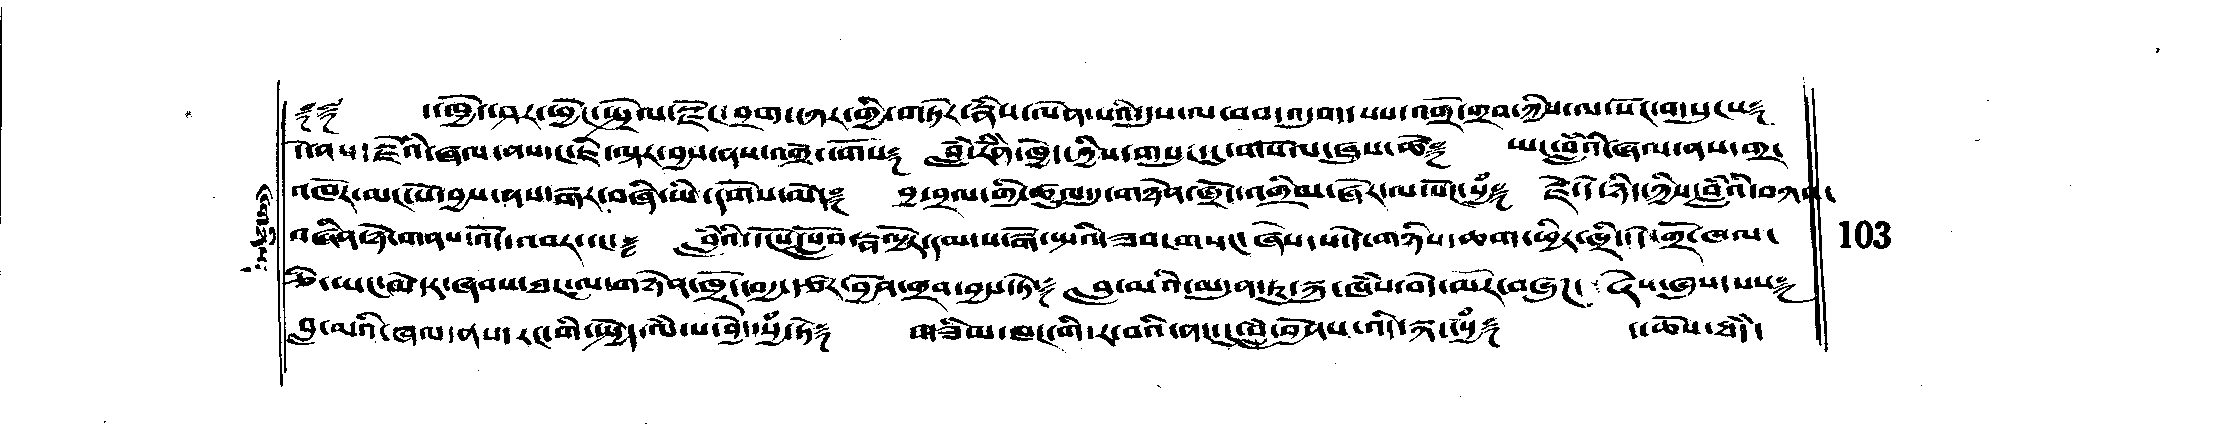ད་ཁྱོད་ཤར་ཕྱོགས་སྤྲེལ་རྫོང་བྲག་དཀར་གྱི་གཏེར་རྣམས་ལེན་པའི་དུས་ལ་བབ་འདུག་པས་འགྲོ་གྲབས་གྱིས་ལ་སོང་གསུངས། 
དེ་ནས་རྗེའི་ཞལ་ནས་ང་ཇི་ལྟར་བྱས་ནས་འགྲོ་དགོས། བླ་མ་རིན་པོ་ཆེ་ཁྱེད་ཀྱིས་གསུང་དུ་གསོལ་ཞུས་ཚེ། ཡང་བླ་མའི་ཞལ་ནས་གྲྭ་
འཁོར་མང་པོ་བྱས་ནས་སྒར་གཞིས་མི་དགོས་མོད། བྱ་བྲལ་གྱི་ཚུལ་དུ་གཉེན་ཁྲོད་འགྲིམ་ཞོར་ལ་སོང་གསུང་། རྗེ་དེ་ཉིད་ཀྱིས་བླ་མའི་བཀའ་
བཞིན་ཉེ་གནས་འོད་འབར་དང་། བླ་མའི་དངོས་སློབ་རྣལ་འབྱོར་དམ་པ་སྒོ་སྤའི་ཟབ་གསང་ཞེས་པ་དེ་གཉིས་ཕྱག་ཕྱིར་ཁྲིད་དེ་གྲོ་ཁལ་
ཅི་ཡང་མེད་པར་ཞབས་ཐང་ལ་གཉེན་ཁྲོད་བརྒྱ་རྩར་བྱོན་གྲབས་བྱས་ཏེ། བླ་མའི་མདུན་དུ་སྐུ་ཁམས་བདེ་མོར་བཞུགས། ཞེས་ཞུས་པས། 
བླ་མའི་ཞལ་ནས་རང་གི་སྤྱོད་ལམ་པ་བྱེད་གསུང་ཏེ། གཟིམ་ཁང་གི་རྭ་བའི་ནང་དུ་བླ་མ་བྱོན་ནས་འདི་སྐད་གསུང་། ད་ཆོས་ཐམས་ཅད་